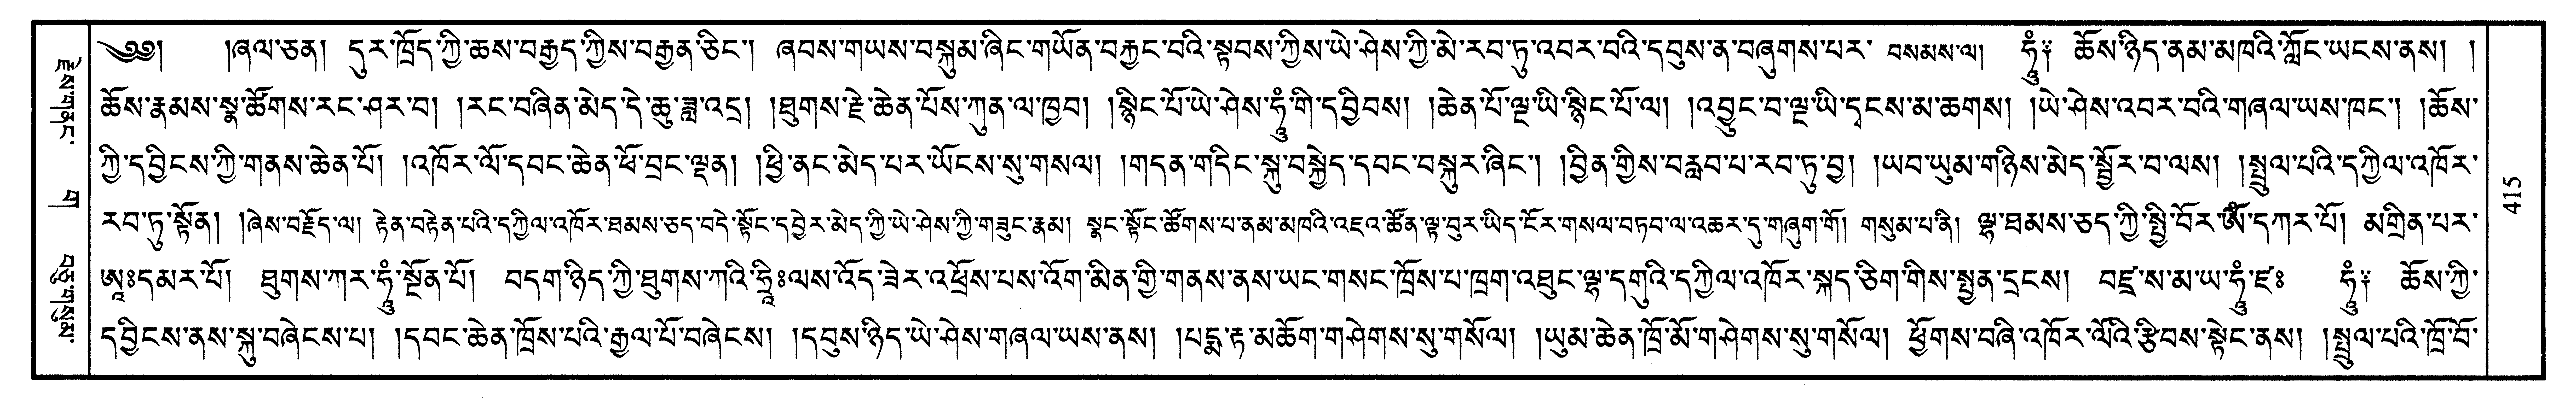༄༅། །ཞལ་ཅན། དུར་ཁྲོད་ཀྱི་ཆས་བརྒྱད་ཀྱིས་བརྒྱན་ཅིང་། ཞབས་གཡས་བསྐུམ་ཞིང་གཡོན་བརྐྱང་བའི་སྟབས་ཀྱིས་ཡེ་ཤེས་ཀྱི་མེ་རབ་ཏུ་འབར་བའི་དབུས་ན་བཞུགས་པར་བསམས་ལ། ཧཱུཾ༑ ཆོས་ཉིད་ནམ་མཁའི་ཀློང་ཡངས་ནས། །
ཆོས་རྣམས་སྣ་ཚོགས་རང་ཤར་བ། །རང་བཞིན་མེད་དེ་ཆུ་ཟླ་འདྲ། །ཐུགས་རྗེ་ཆེན་པོས་ཀུན་ལ་ཁྱབ། །སྙིང་པོ་ཡེ་ཤེས་ཧཱུཾ་གི་དབྱིབས། །ཆེན་པོ་ལྔ་ཡི་སྙིང་པོ་ལ། །འབྱུང་བ་ལྔ་ཡི་དྭངས་མ་ཆགས། །ཡེ་ཤེས་འབར་བའི་གཞལ་ཡས་ཁང་། །ཆོས་
ཀྱི་དབྱིངས་ཀྱི་གནས་ཆེན་པོ། །འཁོར་ལོ་དབང་ཆེན་ཕོ་བྲང་ལྡན། །ཕྱི་ནང་མེད་པར་ཡོངས་སུ་གསལ། །གདན་གདིང་སྐུ་བསྐྱེད་དབང་བསྐུར་ཞིང་། །བྱིན་གྱིས་བརླབ་པ་རབ་ཏུ་བྱ། །ཡབ་ཡུམ་གཉིས་མེད་སྦྱོར་བ་ལས། །སྤྲུལ་པའི་དཀྱིལ་འཁོར་
རབ་ཏུ་སྟོན། །ཞེས་བརྗོད་ལ། རྟེན་བརྟེན་པའི་དཀྱིལ་འཁོར་ཐམས་ཅད་བདེ་སྟོང་དབྱེར་མེད་ཀྱི་ཡེ་ཤེས་ཀྱི་གཟུང་རྣམ། སྣང་སྟོང་ཚོགས་པ་ནམ་མཁའི་འཇའ་ཚོན་ལྟ་བུར་ཡིད་ངོར་གསལ་བཏབ་ལ་འཆར་དུ་གཞུག་གོ །གསུམ་པ་ནི། ལྷ་ཐམས་ཅད་ཀྱི་སྤྱི་བོར་ཨོཾ་དཀར་པོ། མགྲིན་པར་
ཨཱཿ དམར་པོ། ཐུགས་ཀར་ཧཱུཾ་སྔོན་པོ། བདག་ཉིད་ཀྱི་ཐུགས་ཀའི་ཧྲཱིཿ ལས་འོད་ཟེར་འཕྲོས་པས་འོག་མིན་གྱི་གནས་ནས་ཡང་གསང་ཁྲོས་པ་ཁྲག་འཐུང་ལྷ་དགུའི་དཀྱིལ་འཁོར་སྐད་ཅིག་གིས་སྤྱན་དྲངས། བཛྲ་ས་མ་ཡ་ཧཱུཾ་ཛཿ ཧཱུཾ༑ ཆོས་ཀྱི་
དབྱིངས་ནས་སྐུ་བཞེངས་པ། །དབང་ཆེན་ཁྲོས་པའི་རྒྱལ་པོ་བཞེངས། །དབུས་ཉིད་ཡེ་ཤེས་གཞལ་ཡས་ནས། །པདམ་རྟ་མཆོག་གཤེགས་སུ་གསོལ། །ཡུམ་ཆེན་ཁྲོ་མོ་གཤེགས་སུ་གསོལ། ཕྱོགས་བཞི་འཁོར་ལོའི་རྩིབས་སྟེང་ནས། །སྤྲུལ་པའི་ཁྲོ་བོ་